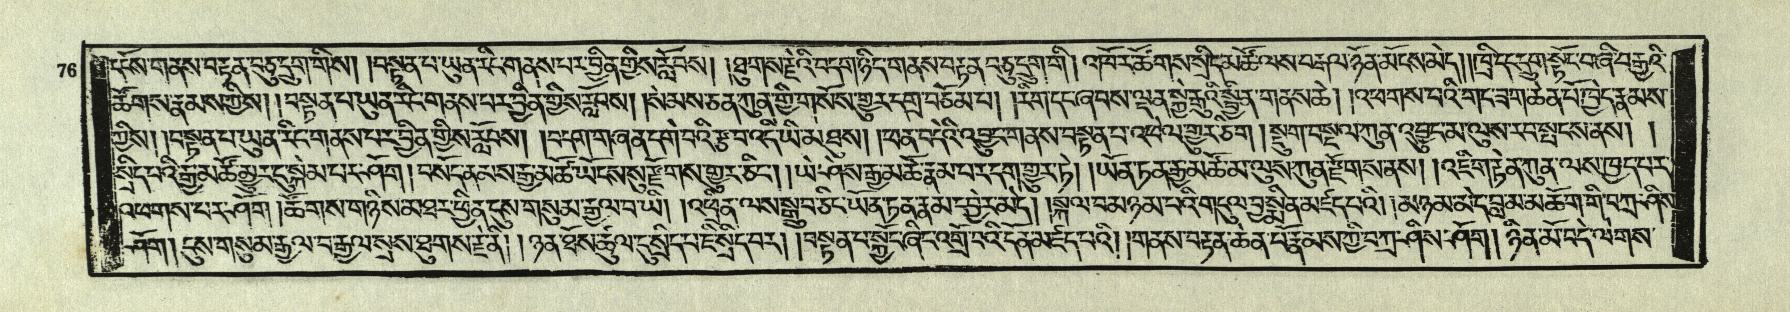དངོས་གནས་བརྟན་བཅུ་དྲུག་གིས། །བསྟན་པ་ཡུན་རིང་གནས་པར་བྱིན་གྱིས་རློབས། །ཐུགས་རྗེའི་བདག་ཉིད་གནས་བརྟན་བཅུ་དྲུག་གི། འཁོར་ཚོགས་སྲིད་མཚོ་ལས་བརྒལ་ཉོན་མོངས་མེད། །ཁྲི་དང་དྲུག་སྟོང་བཞི་བརྒྱའི་
ཚོགས་རྣམས་ཀྱིས། །བསྟན་པ་ཡུན་རིང་གནས་པར་བྱིན་གྱིས་རློབས། །སེམས་ཅན་ཀུན་གྱི་གསོས་གྱུར་དགྲ་བཅོམ་པ། །རིག་དང་ཞབས་ལྡན་སྐྱེ་རྒུའི་སྦྱིན་གནས་ཆེ། །འཕགས་པའི་གང་ཟག་ཆེན་པོ་ཁྱེད་རྣམས་
ཀྱིས། །བསྟན་པ་ཡུན་རིང་གནས་པར་བྱིན་གྱིས་རློབས། །བདག་གཞན་དགེ་བའི་རྩ་བ་འདི་ཡི་མཐུས། །ཕན་བདེའི་འབྱུང་གནས་བསྟན་པ་འཕེལ་གྱུར་ཅིག །སྡུག་བསྔལ་ཀུན་འབྱུང་མ་ལུས་རབ་སྤངས་ནས། །
སྲིད་པའི་རྒྱ་མཚོ་མྱུར་དུ་སྐེམ་པར་ཤོག། བསོད་ནམས་རྒྱ་རྒྱ་མཚོ་ཡོངས་སུ་རྫོགས་གྱུར་ཅིང་། །ཡེ་ཤེས་རྒྱ་མཚོ་རྣམ་པར་དག་གྱུར་ཏེ། །ཡོན་ཏན་རྒྱ་མཚོ་མ་ལུས་ཀུན་རྫོགས་ནས། །འཇིག་རྟེན་ཀུན་ལས་ཁྱད་པར་
འཕགས་པར་ཤོག །ཚོགས་གཉིས་མཐར་ཕྱིན་དུས་གསུམ་རྒྱལ་བ་ཡི། །འཕྲིན་ལས་སྒྲུབ་ཅིང་ཡོན་ཏན་རྣམ་དབྱེར་མེད། །སྐལ་བ་མཉམ་པའི་གདུལ་བྱ་སྨིན་མཛད་པའི། །མཉམ་མེད་བླ་མ་མཆོག་གི་བཀྲ་ཤིས་
ཤོག། དུས་གསུམ་རྒྱལ་བ་རྒྱལ་སྲས་ཐུགས་རྗེ་ནི། །ཉན་ཐོས་ཚུལ་དུ་སྲིད་པ་ཇི་སྲིད་བར། །བསྟན་པ་སྐྱོང་ཞིང་འགྲོ་བའི་དོན་མཛད་པའི། །གནས་བརྟན་ཆེན་པོ་རྣམས་ཀྱི་བཀྲ་ཤིས་ཤོག །ཉིན་མོ་བདེ་ལེགས་